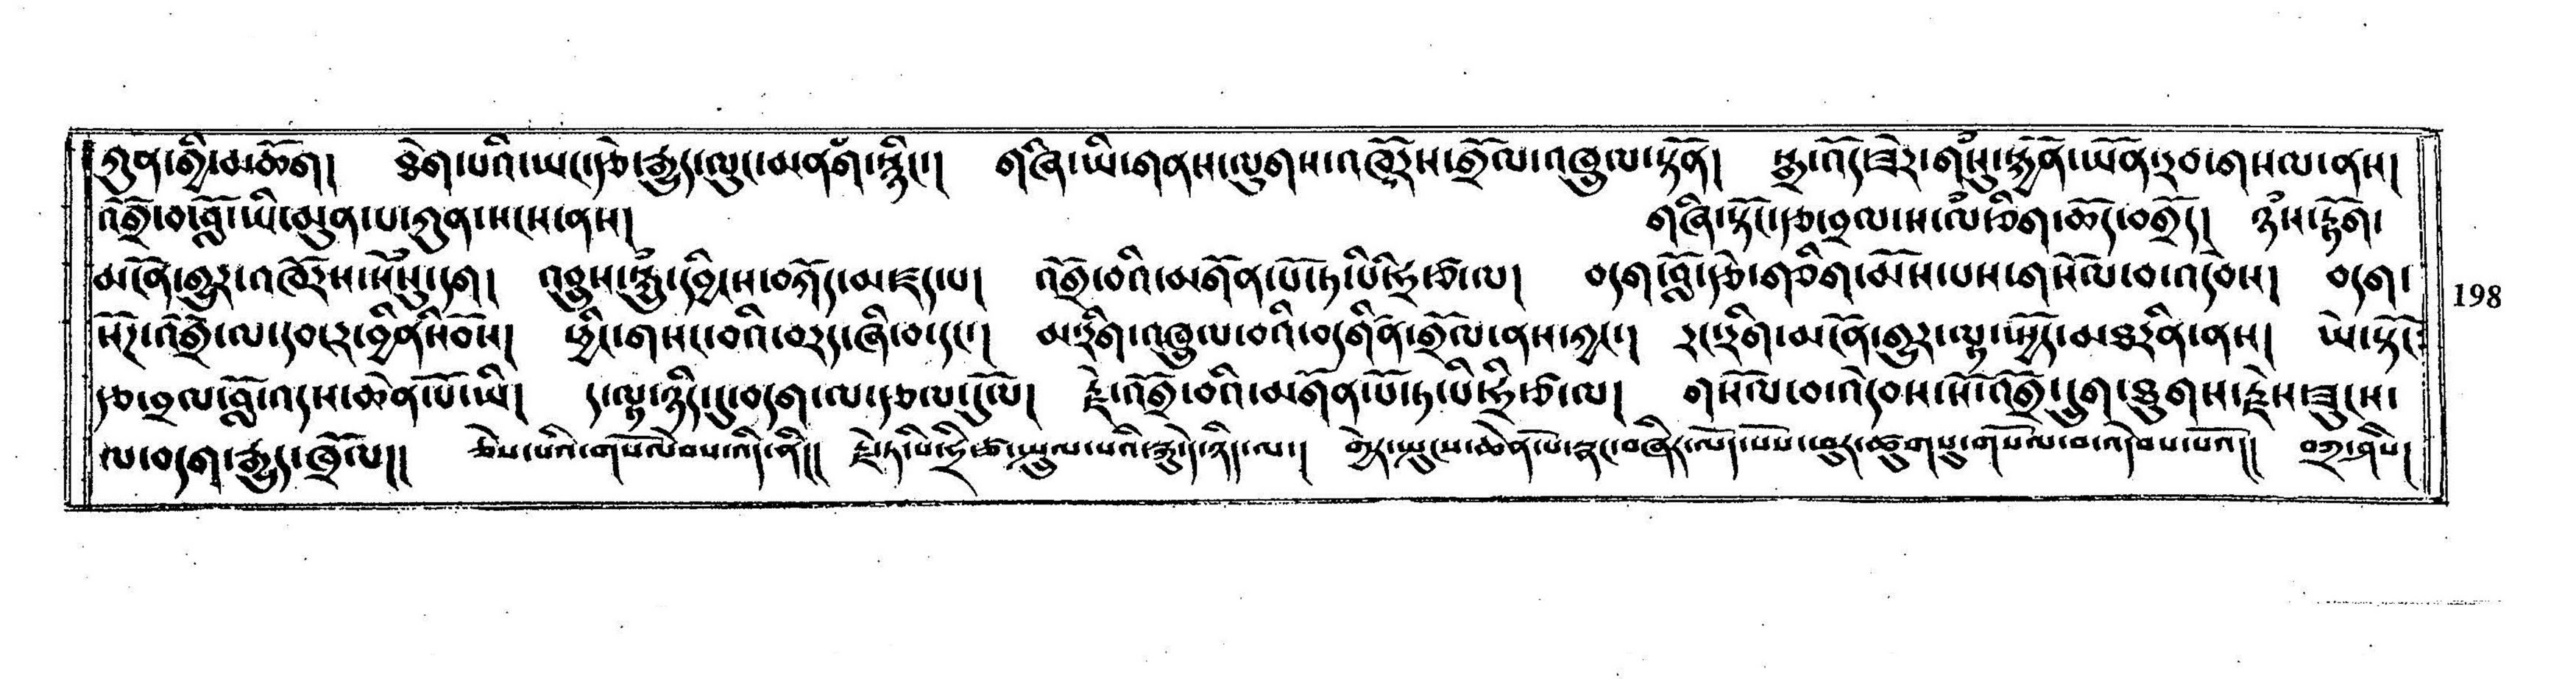ཀུན་གྱི་མཆོག། ཐེག་པའི་ཡང་རྩེ་རྒྱུད་ལུང་མན་ངག་སྙིང་། གཞི་ཡི་གནས་ལུགས་འཁོར་འདས་གྲོལ་འཁྲུལ་སྟོན། སྒྲ་འོད་ཟེར་གསུམ་སྐྱོན་ཡོན་རབ་གསལ་ནས། 
འགྲོ་བ་བློ་ཡི་མུན་པ་ཀུན་སངས་ནས། གཞི་སྟོང་རྩ་བྲལ་ས་ལམ་ཅིག་ཆོད་བགྲོད། ཉམས་རྟོགས་
མངོན་གྱུར་འཁོར་འདས་སེམས་སུ་དག །འབྲས་བུ་སྐུ་གསུམ་དབྱིངས་སུ་བཀོད་མཛད་པ། འགྲོ་བའི་མགོན་པོ་ཏ་པི་ཧྲི་ཙ་ལ། བདག་བློ་རྩེ་གཅིག་མོས་པས་གསོལ་བ་འདེབས། བདག་
སོགས་འགྲོ་ལ་དབང་བསྐུར་བྱིན་གྱིས་རློབས། ཕྱི་ནང་གསང་བའི་བར་ཆད་ཞི་བ་དང་། མ་རིག་འཁྲུལ་བའི་བདག་འཛིན་གྲོལ་ནས་ཀྱང་། རང་རིག་མངོན་གྱུར་ལྟ་སྤྱོད་མཐར་ཕྱིན་ནས། ཡེ་སྟོང་
རྩ་བྲལ་བློ་འདས་ཆེན་པོའི་དོན། ད་ལྟ་ཉིད་དུ་བདག་ལ་རྩལ་དུ་གསོལ། རྗེ་འགྲོ་བའི་མགོན་པོ་ཏ་པི་ཧྲི་ཙ་ལ། གསོལ་བ་འདེབས་སོ་འགྲོ་དྲུག་ཐུགས་རྗེས་ཟུངས་
ལ་བདག་རྒྱུད་ཁྲོལ།། ཅེས་པའི་གསོལ་འདེབས་འདི་ནི།། རྗེ་ཏ་པི་ཧྲི་ཙ་སྤྲུལ་པའི་སྐུ་དེ་ཉིད་ལ། གྱེར་སྤུངས་ཆེན་པོ་སྣང་བཞིར་ལོད་པོས་ཕུར་ཚུགས་སུ་གསོལ་བ་བཏབ་པའོ།། བཀྲ་ཤིས།